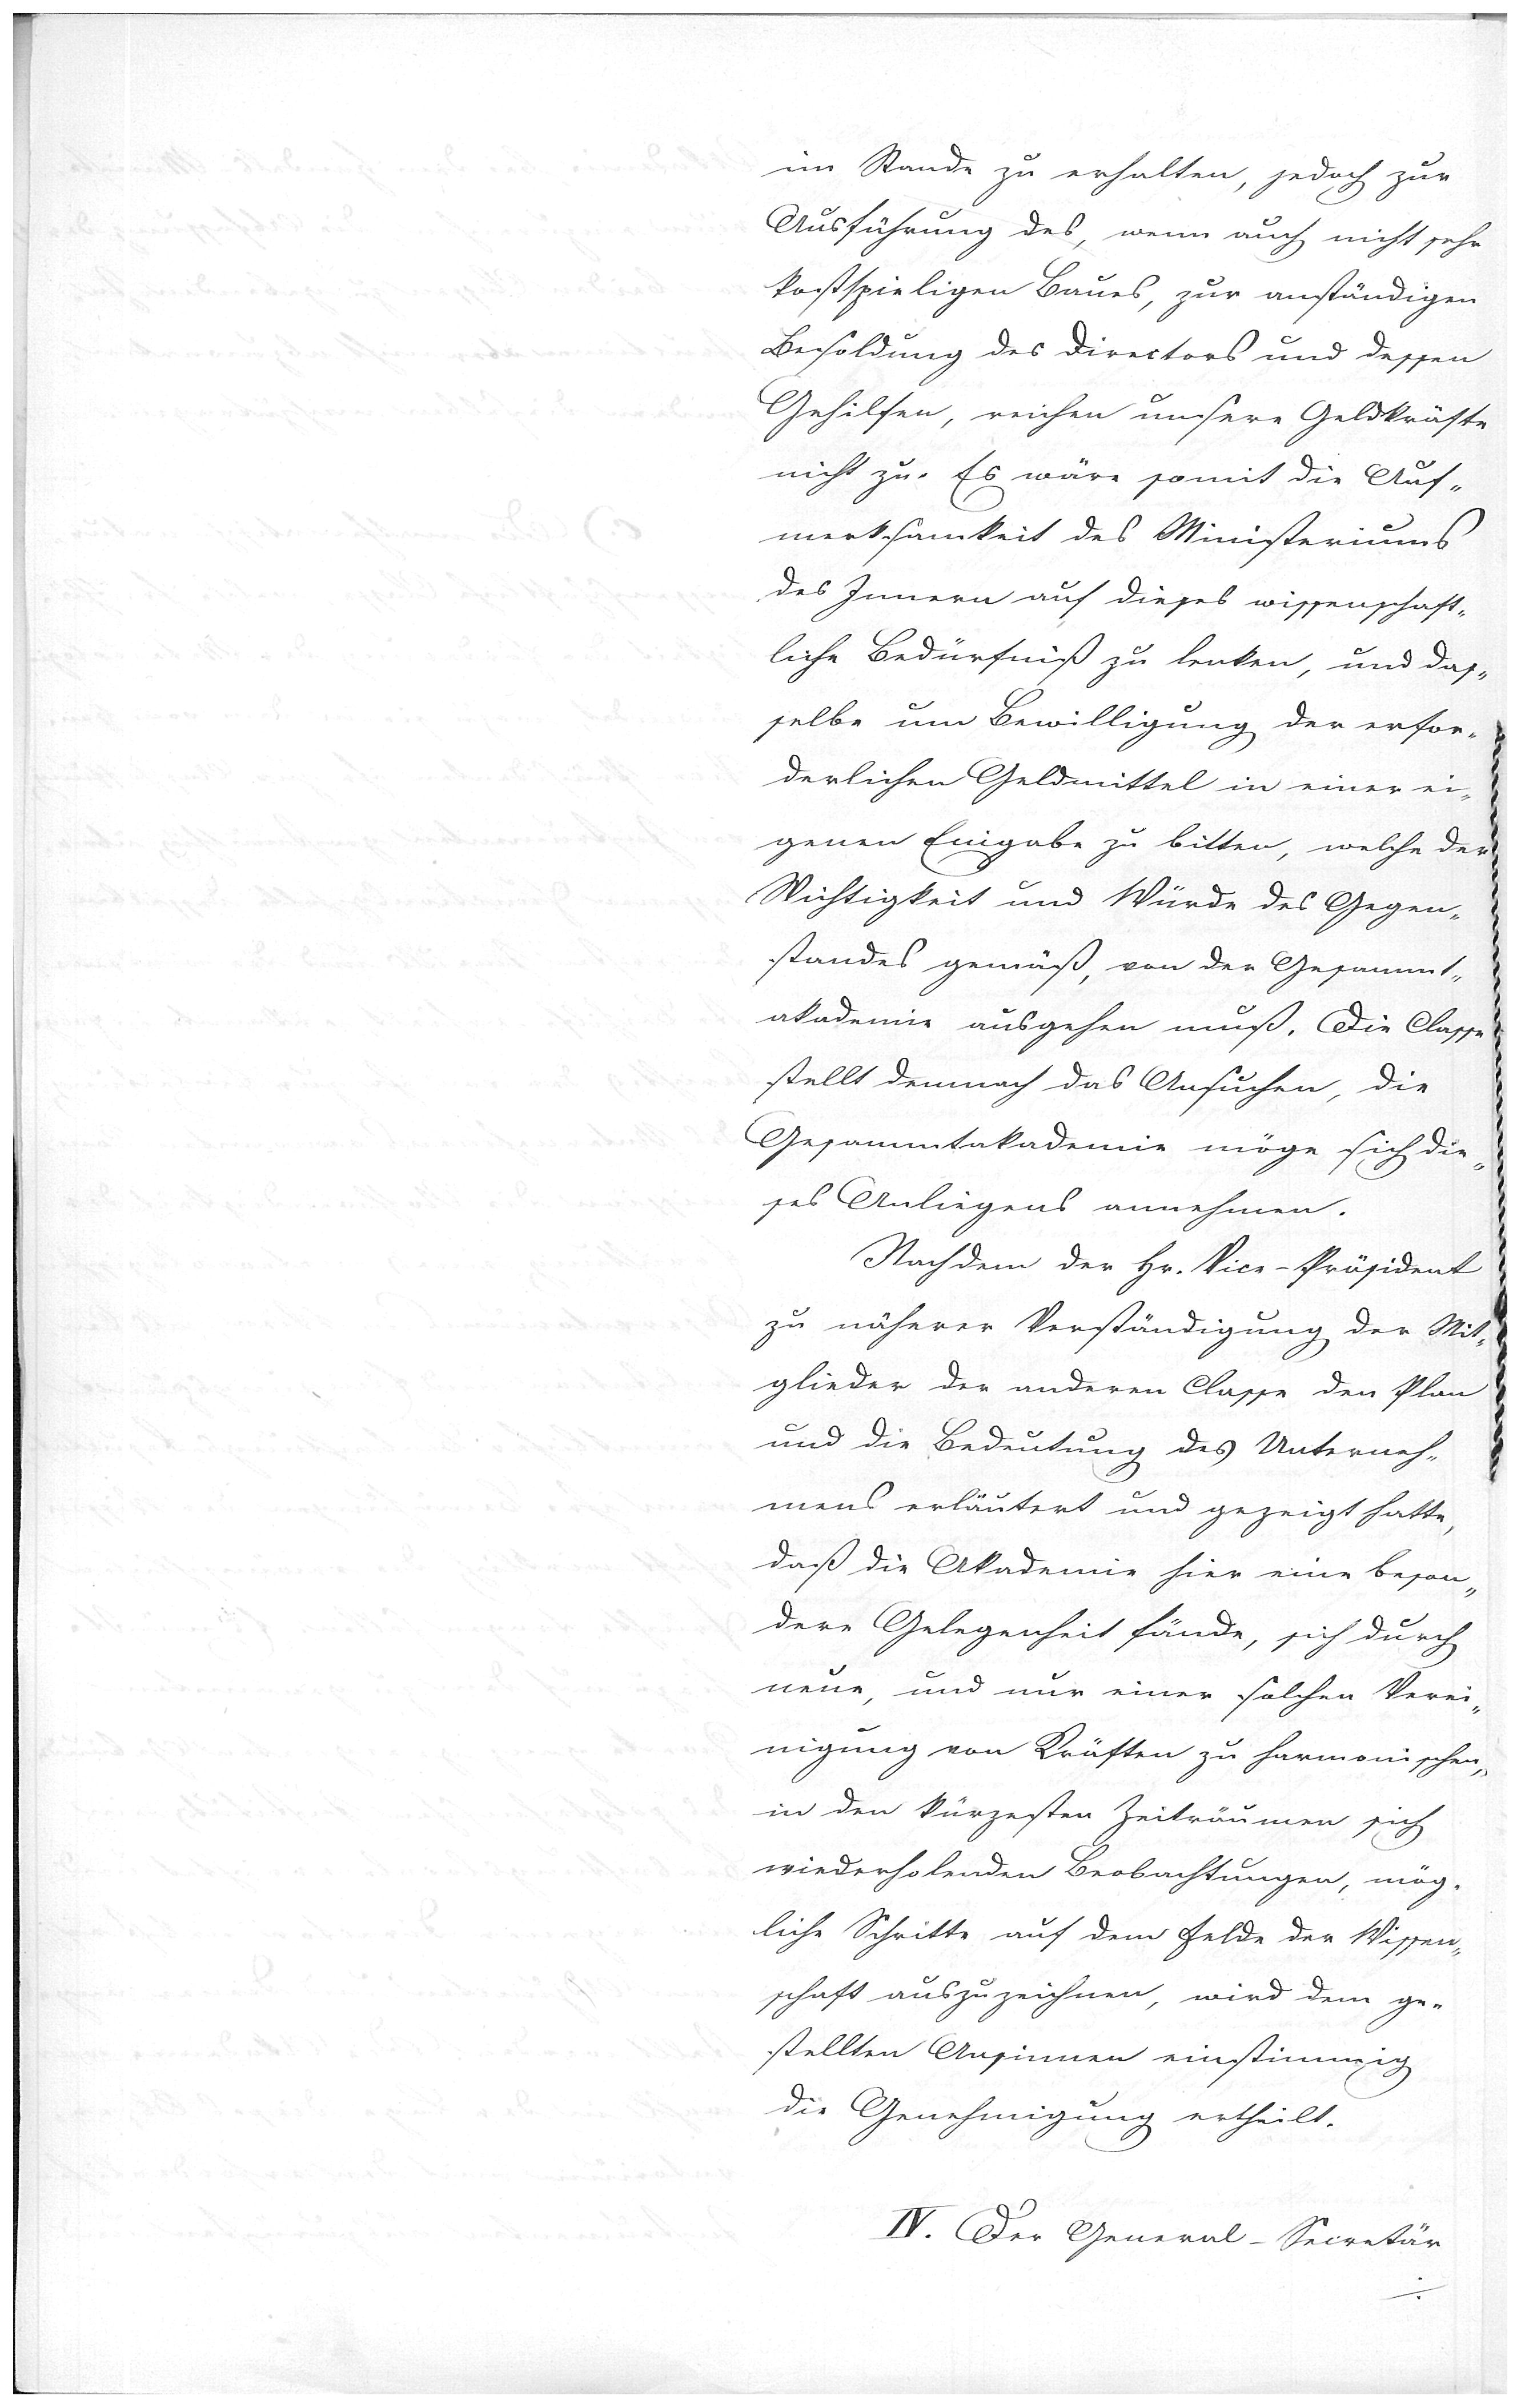im Stande zu erhalten, jedoch zur
Ausführung des, wenn auch nicht sehr
kostspieligen Baues, zur anständigen
Besoldung des Directors und dessen
Gehilfen, reichen unsere Geldkräfte
nicht zu. Es wäre somit die Auf-
merksamkeit des Ministeriums
des Innern auf dieses wissenschaft-
liche Bedürfniß zu lenken, und das-
selbe um Bewilligung der erfor-
derlichen Geldmittel in einer ei-
genen Eingabe zu bitten, welche der
Wichtigkeit und Würde des Gegen-
standes gemäß, von der Gesammt-
akademie ausgehen muß. Die Classe
stellt demnach das Ansuchen, die
Gesammtakademie möge sich die-
ses Anliegen annehmen.
Nach dem der Hr. Vice-Präsident
zu näherer Verständigung der Mit-
glieder der anderen Classe den Plan
und die Bedeutung des Unterneh-
mens erläutert und gezeigt hatte,
daß die Akademie hier eine beson-
dere Gelegenheit fände, sich durch
neue, und nur einer solchen Verei-
nigung von Kräften zu harmonischen,
in den kürzesten Zeiträumen sich
wiederholenden Beobachtungen, mög-
liche Schritte auf dem Felde der Wissen-
schaft auszuzeichnen, wird dem ge-
stellten Ansinnen einstimmig
die Genehmigung ertheilt.
IV. Der General-Secretär